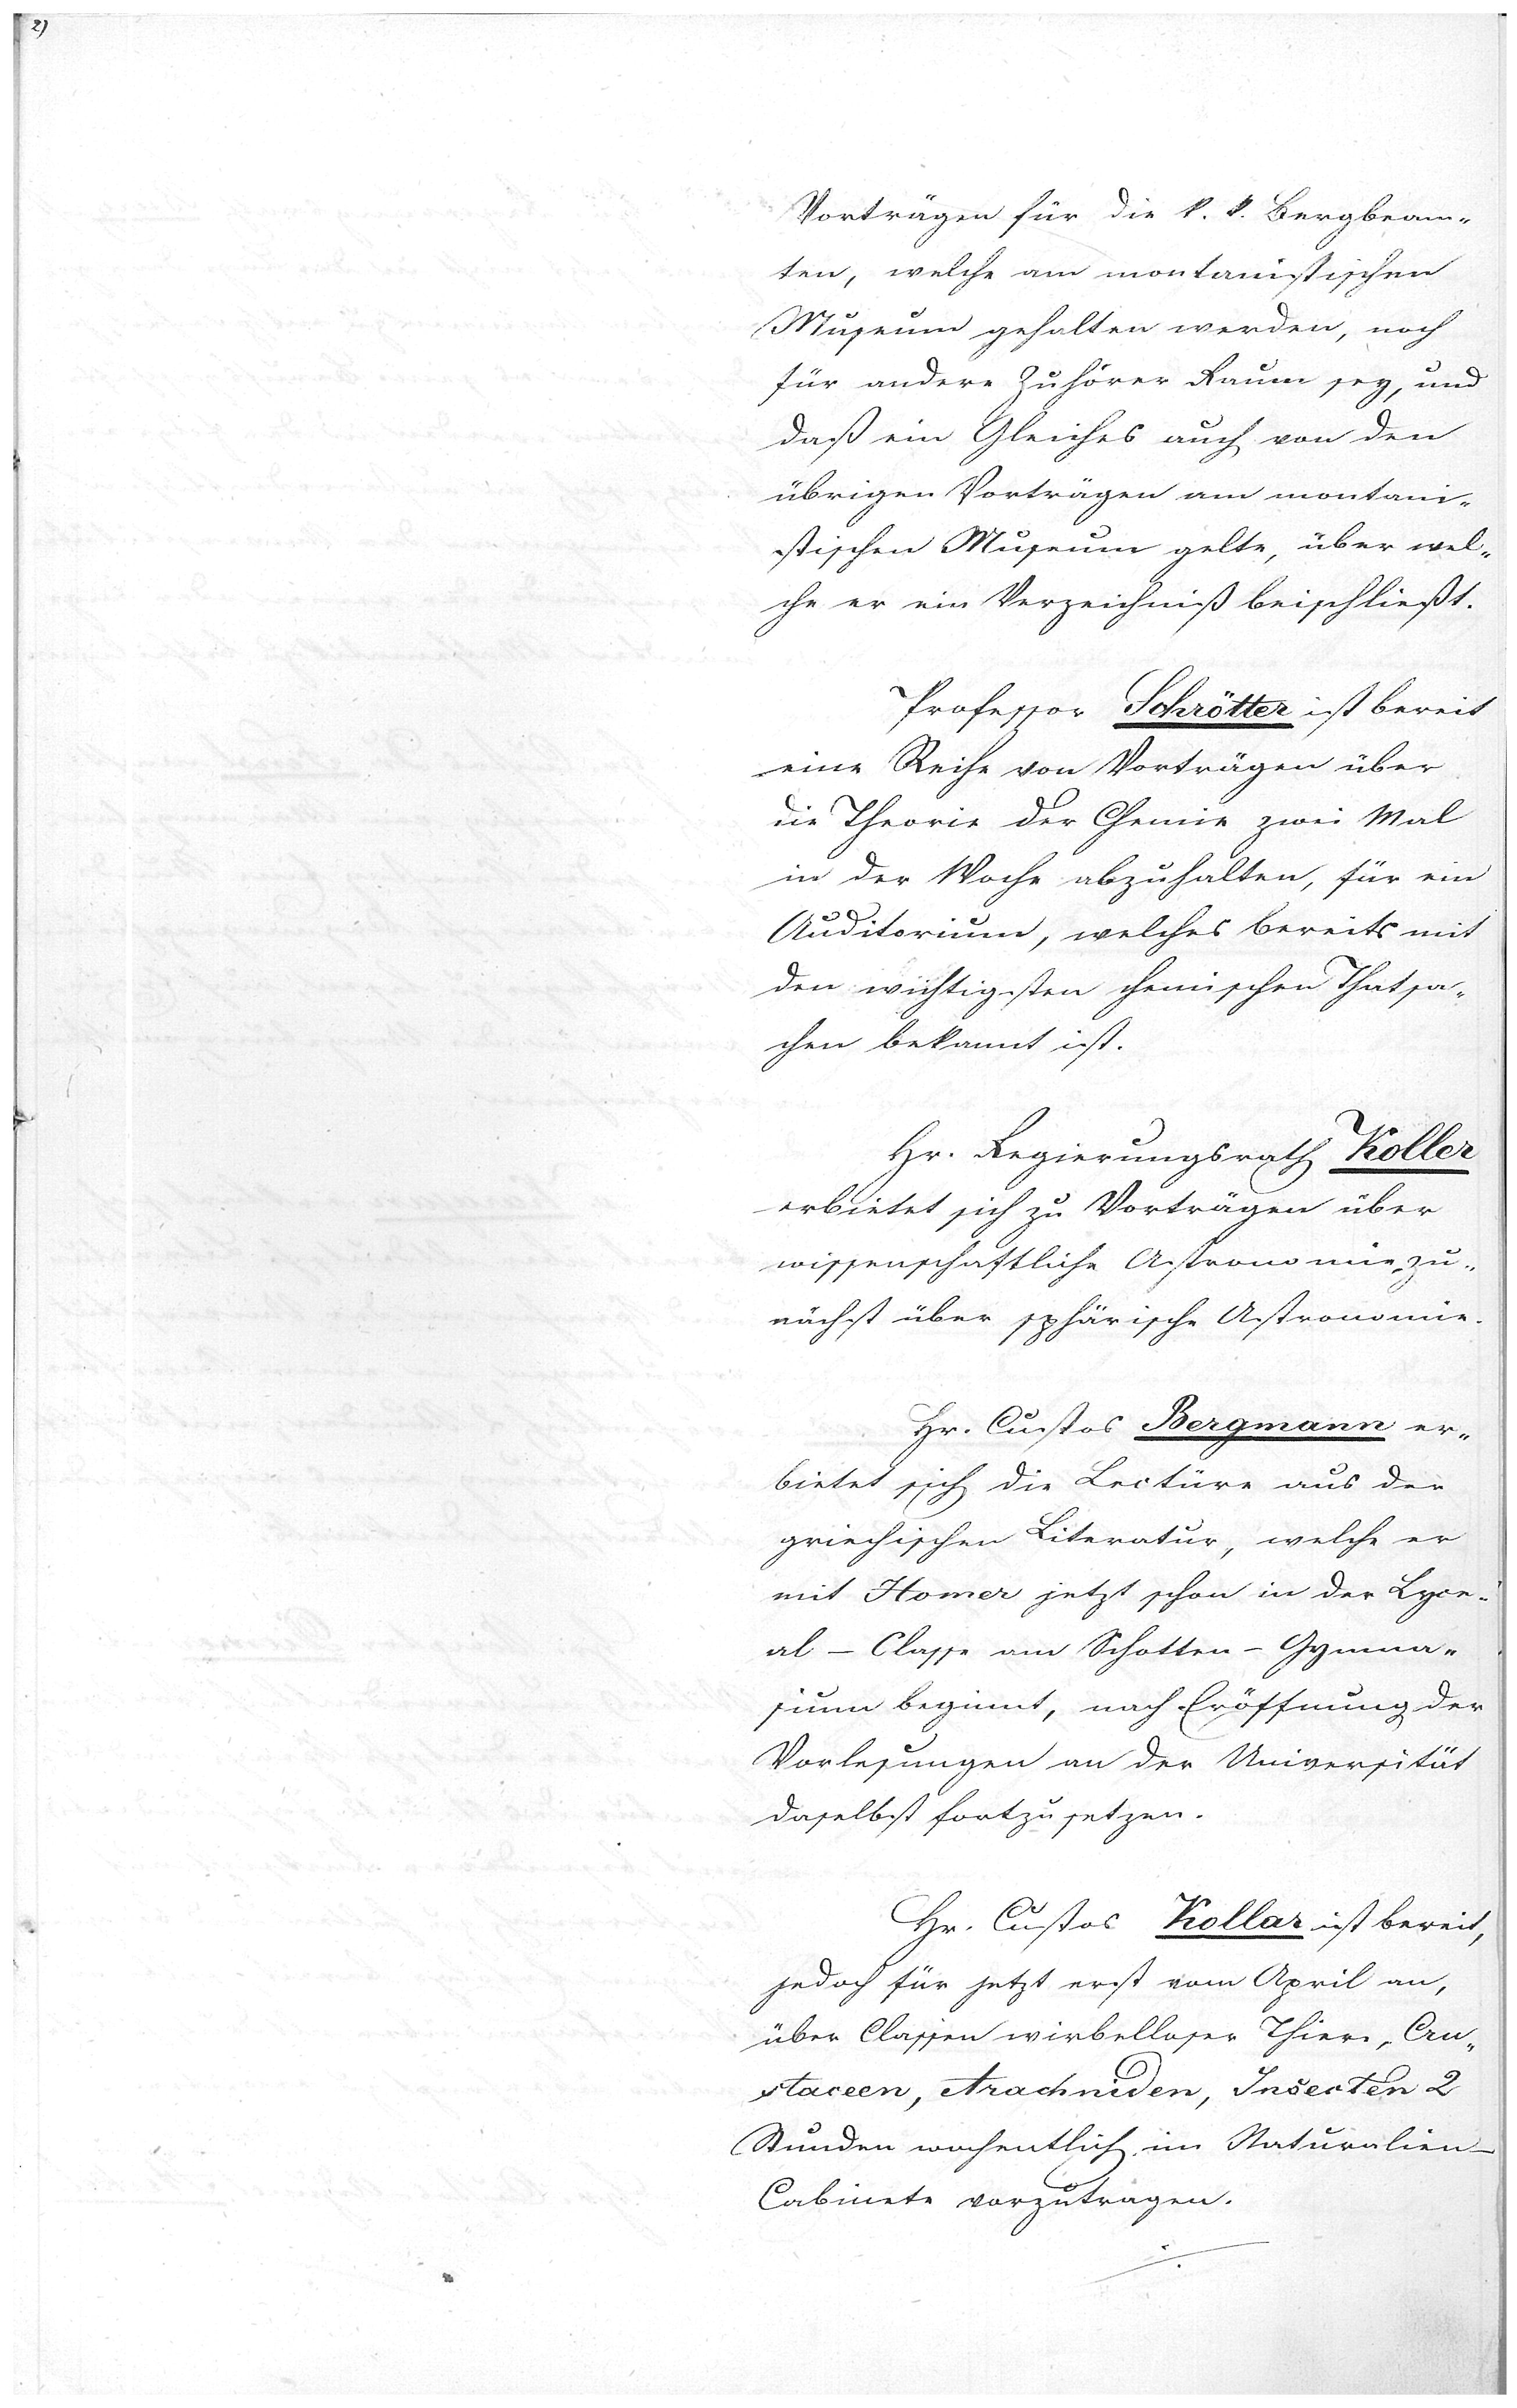Vorträgen für die k. k. Bergbeam-
ten, welche am montanistischen
Museum gehalten werden, noch
für andere Zuhörer Raum sey, und
daß ein Gleiches auch von den
übrigen Vorträgen am montani-
stischen Museum gelte, über wel-
che er ein Verzeichniß beischließt.
Professor Schrötter bereit
eine Reihe von Vorträgen über
in Theorie der Chemie zwei Mal
in der Woche abzuhalten, für ein
Auditorium, welches bereits mit
den wichtigsten chemischen Thatsa-
chen bekannt ist.
Hr. Regierungsrath Koller
erbietet sich zu Vorträgen über
wissenschaftliche Astronomie zu-
nächst über sphärische Astronomie.
Hr. Custos Bergmann er-
bietet sich die Lectüre aus der
griechischen Literatur, welche er
mit Homer jetzt schon in Lyce-
al-Classe am Schotten-Gymna-
sium beginnt, nach Eröffnung der
Vorlesungen an der Universität
daselbst fortzusetzen.
Hr. Custoa Kollar ist bereit,
jedoch für jetzt erst vom April an,
über Classen wirbelloser Thiere, Cru-
staceen, Arachniden, Insecten 2
Stunden wochentlich im Naturalien-
Cabinete vorzutragen.